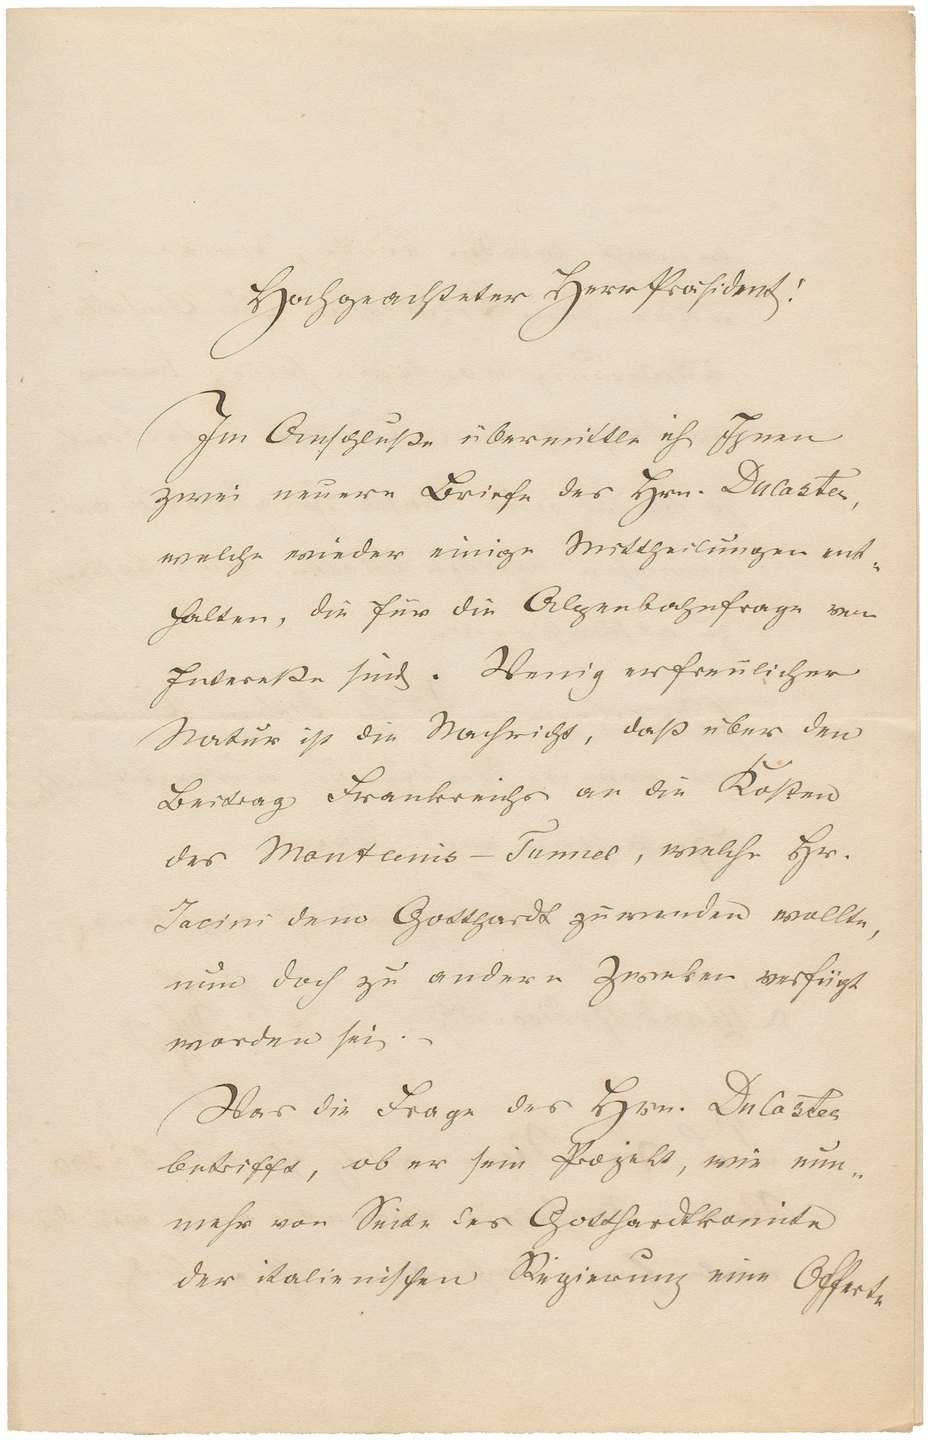Hochgeachteter Herr Präsident!
Im Anschluße übermittle ich Ihnen
zwei neuere Briefe des Hrn. Du Coster,
welche wieder einige Mittheilungen ent-
halten, die für die Alpenbahnfrage von
Intereße sind. Wenig erfreulicher
Natur ist die Nachricht, daß über den
Beitrag Frankreichs an die Kosten
des Montcenis-Tunnel, welche Hr.
Jacini dem Gotthardt zuwenden wollte,
nun doch zu andern Zwecken verfügt
worden sei. –
Was die Frage des Hrn. Du Coster
betrifft, ob er sein Projekt, wie nun-
mehr von Seite des Gotthardtkomite
der italienischen Regierung eine Offerte